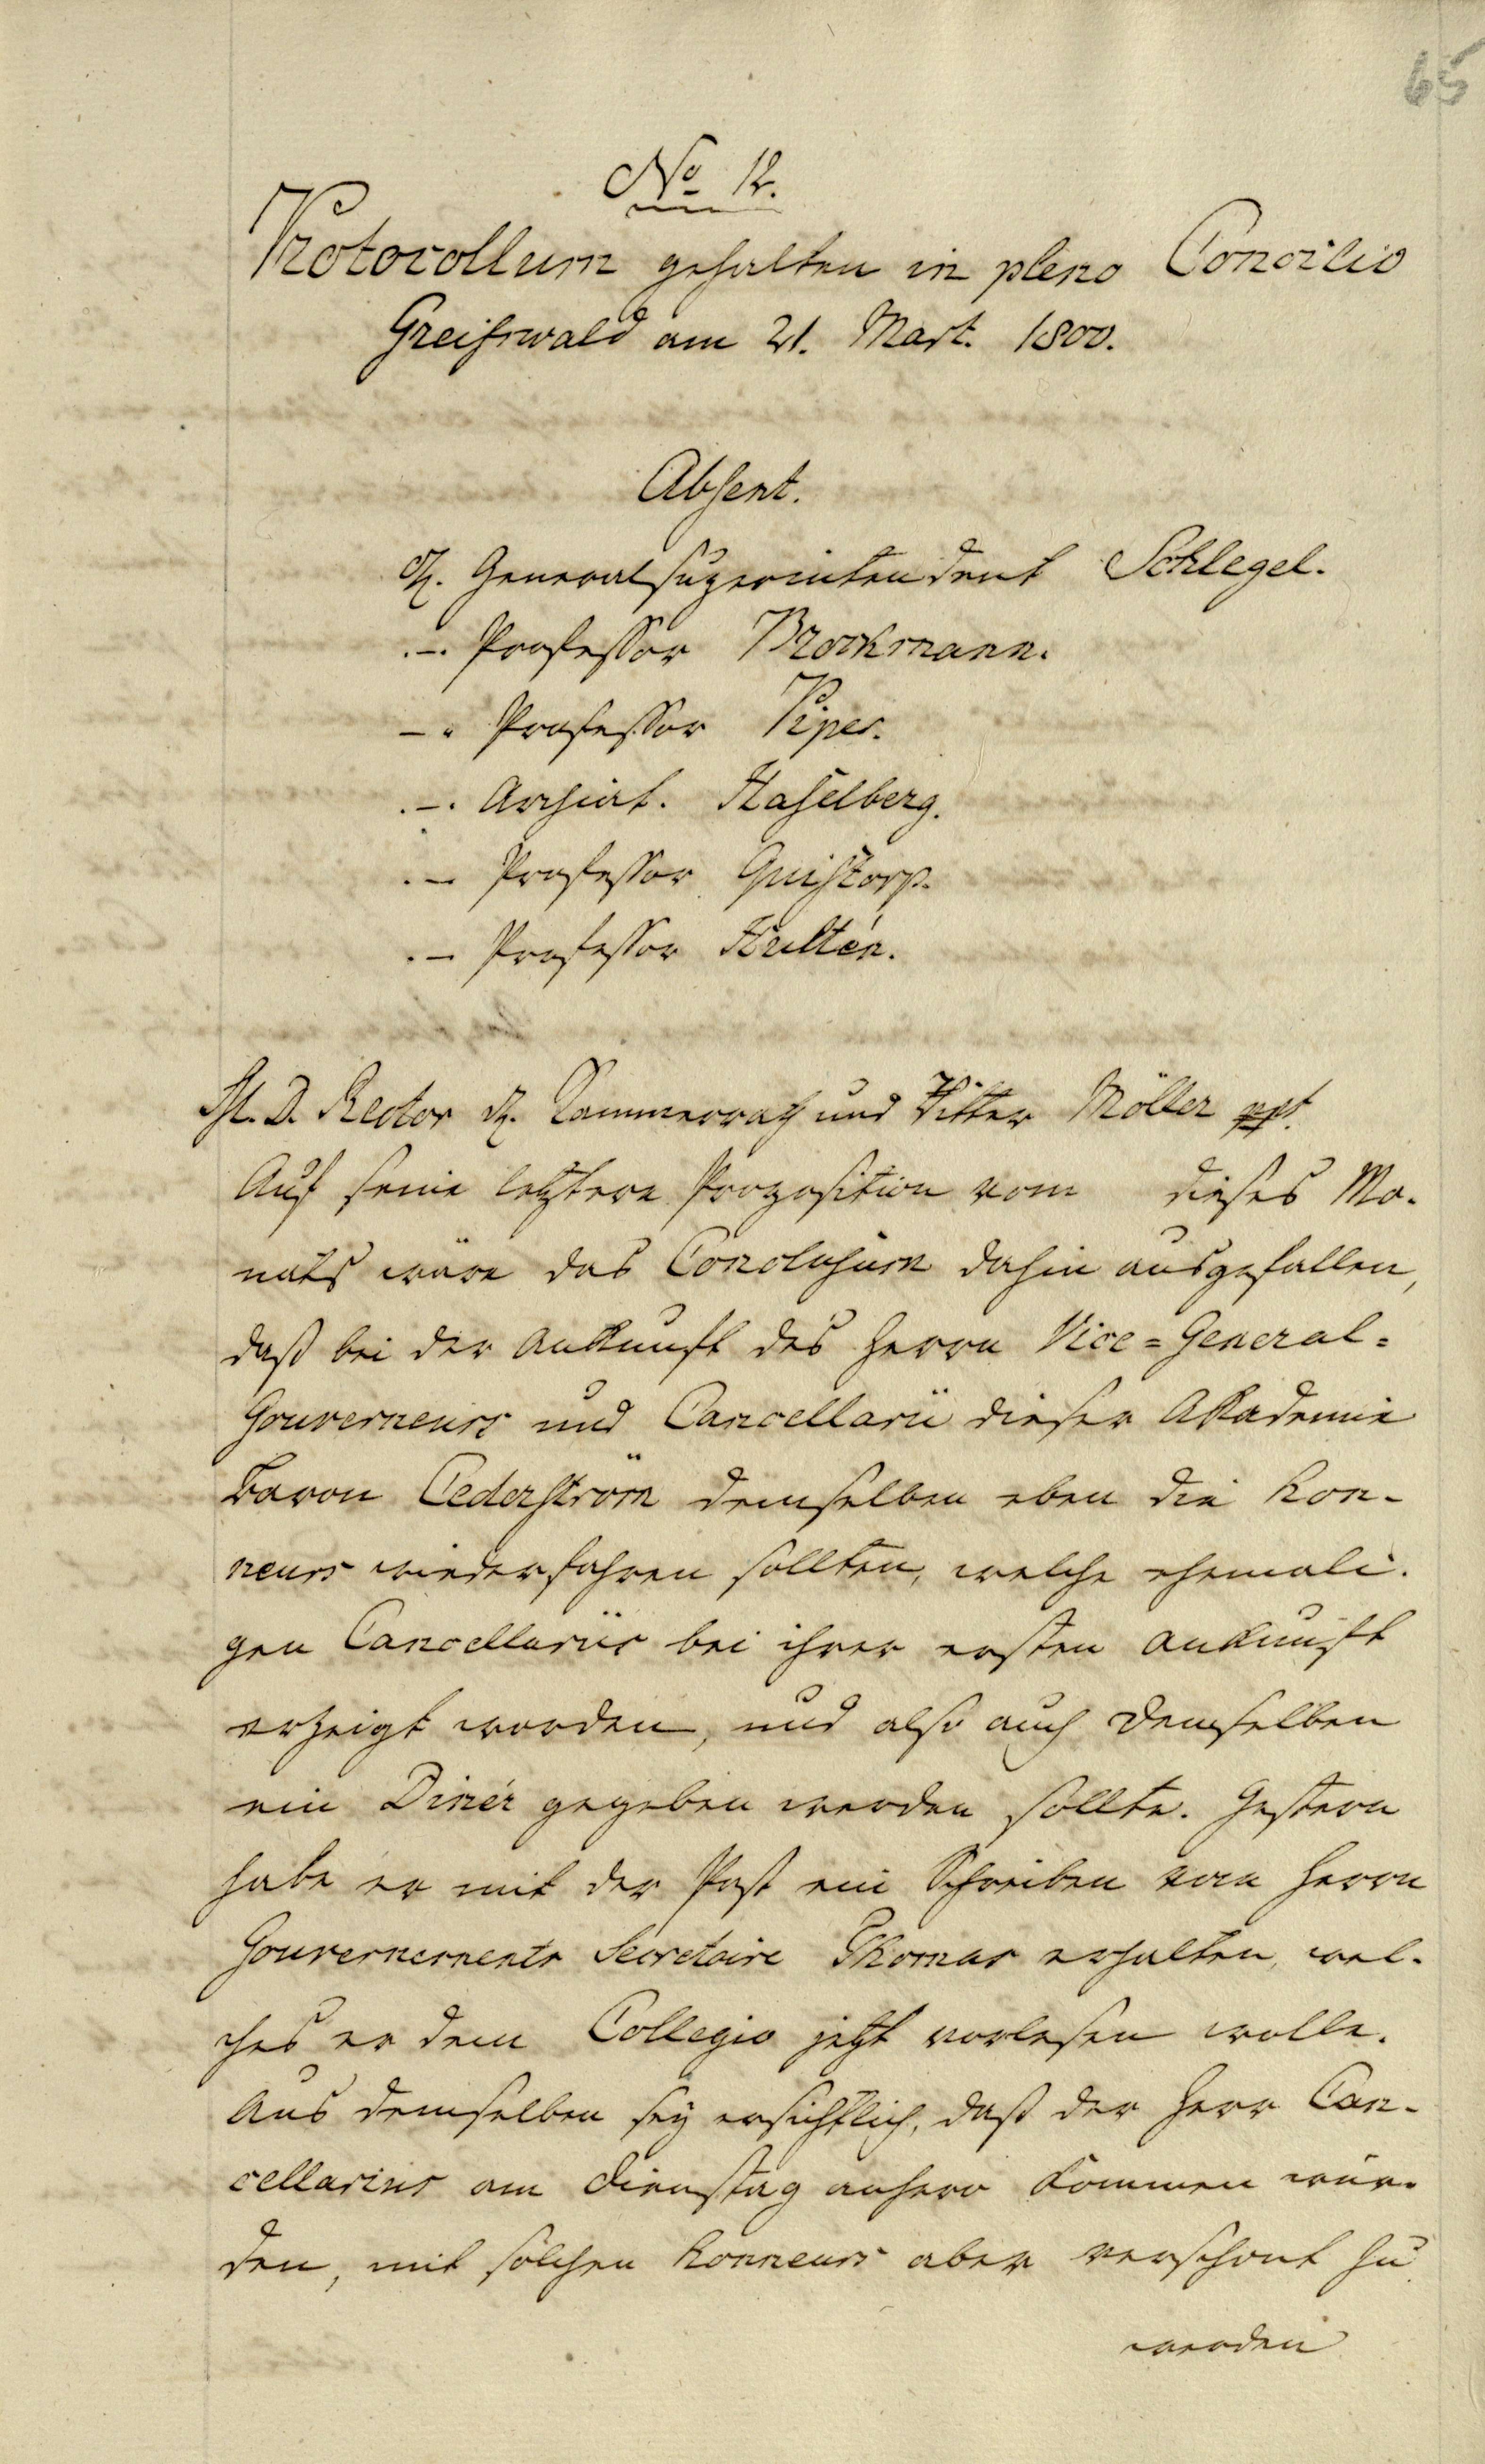No 12.
Protocollum gehalten in pleno Concilio
Greifswald am 21. Mart. 1800.
Absent.
dh. Generalsuperintendent Schlegel.
Professor Brockmann.
Professor Piper.
Archiat. Haselberg.
Professor Quistorp.
Professor Hultén.
M. D. Rector dh. Kammerrath und Ritter Möller ppt
Auf seine letztere Proposition vom dieses Mo¬
nats wäre das Conclusum dahin ausgefallen,
daß bei der Ankunft des Herrn Vice-General¬
Gouverneurs und Cancellarii dieser Akademie
Baron Cederström demselben eben die hon¬
neurs wiederfahren sollten, welche ehemali¬
gen Cancellariis bei ihrer ersten Ankunft
erzeigt worden, und also auch Demselben
ein Dinér gegeben werden sollte. Gestern
habe er mit der Post ein Schreiben vom Herrn
Gouvernements Secretaire Thomas erhalten, wel-
ches er dem Collegio jetzt vorlesen wolle.
Aus demselben seÿ ersichtlich, daß der Herr Can¬
cellarius am Dienstag anhero kommen wür¬
den, mit solchen honneurs aber verschont zu
werden